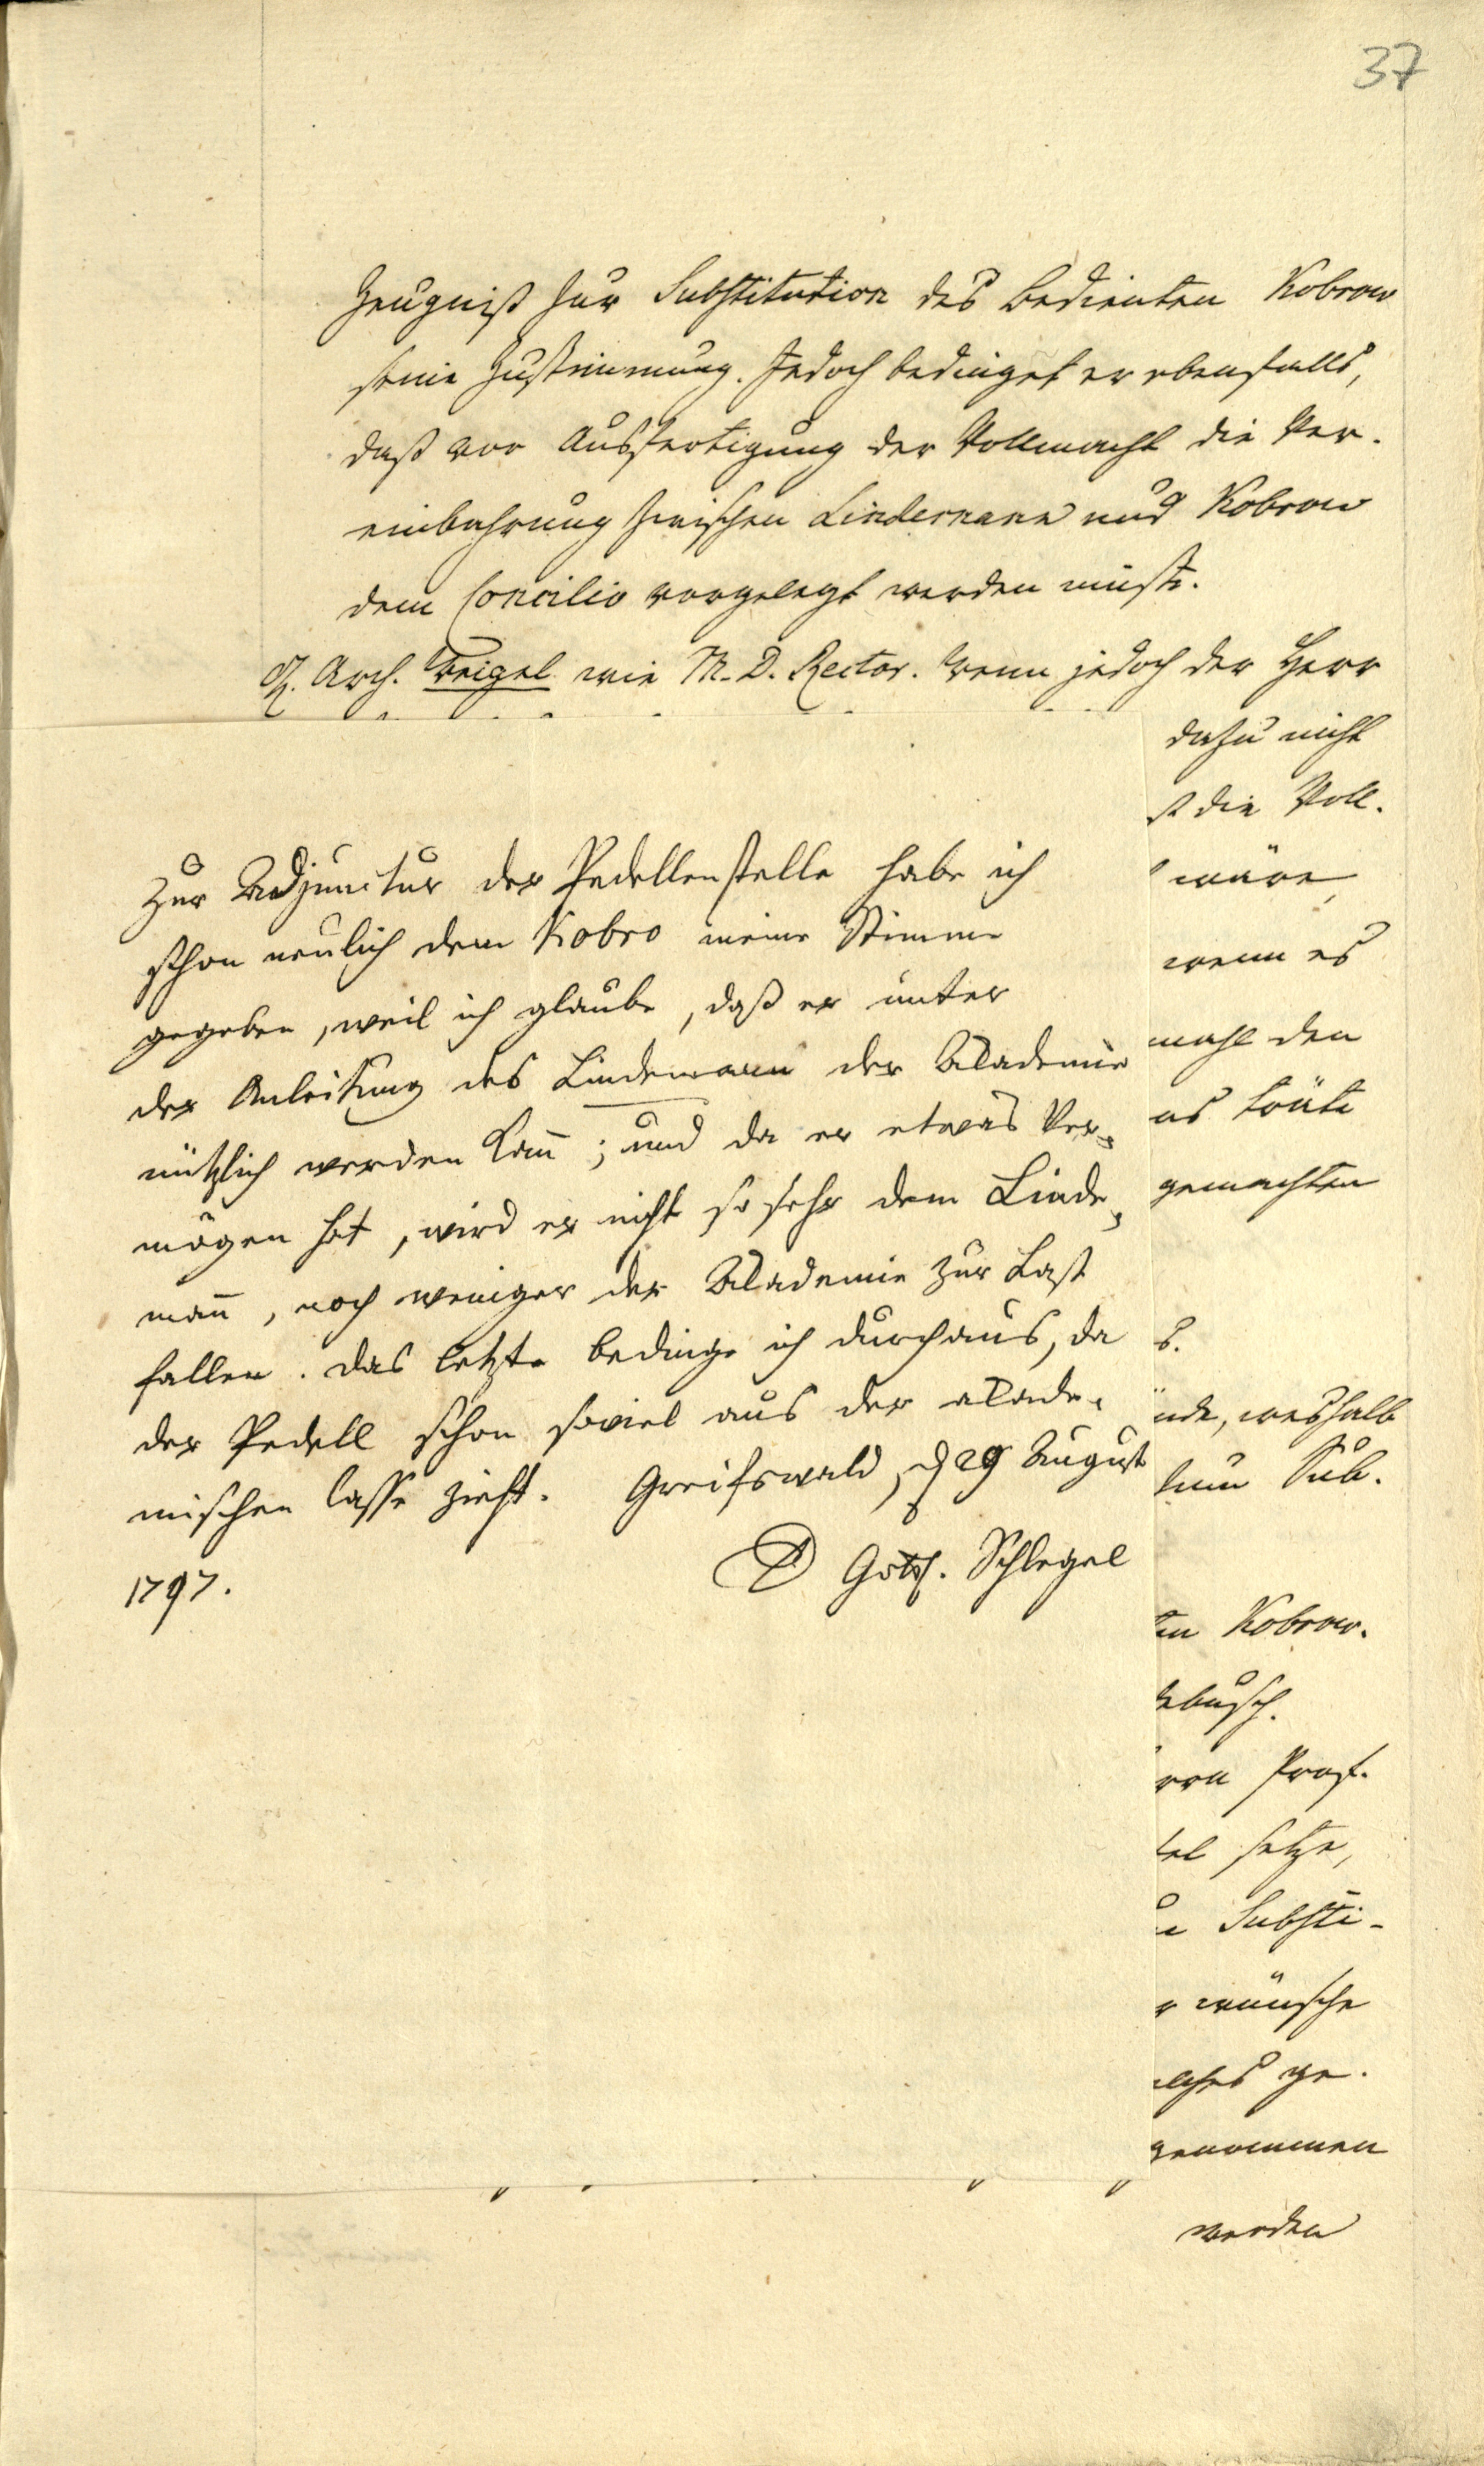Zur Adjunctur der Pedellenstelle habe ich
schon neulich dem Kobro neue Stimme
gegeben, weil ich glaube, daß er unter
der Anleitung des Lindemann der Academie
nützlich werden kan; und da er etwas Ver¬
mögen hat, wird er nicht so sehr dem Linde¬
man, noch weniger der Akademie zur Last
fallen. Das letzte bedinge ich durchaus, da
der Pedell schon soviel aus der akade¬
mischen Casse zieht. Greifswald d 29 August
1797 D Gottl. Schlegel